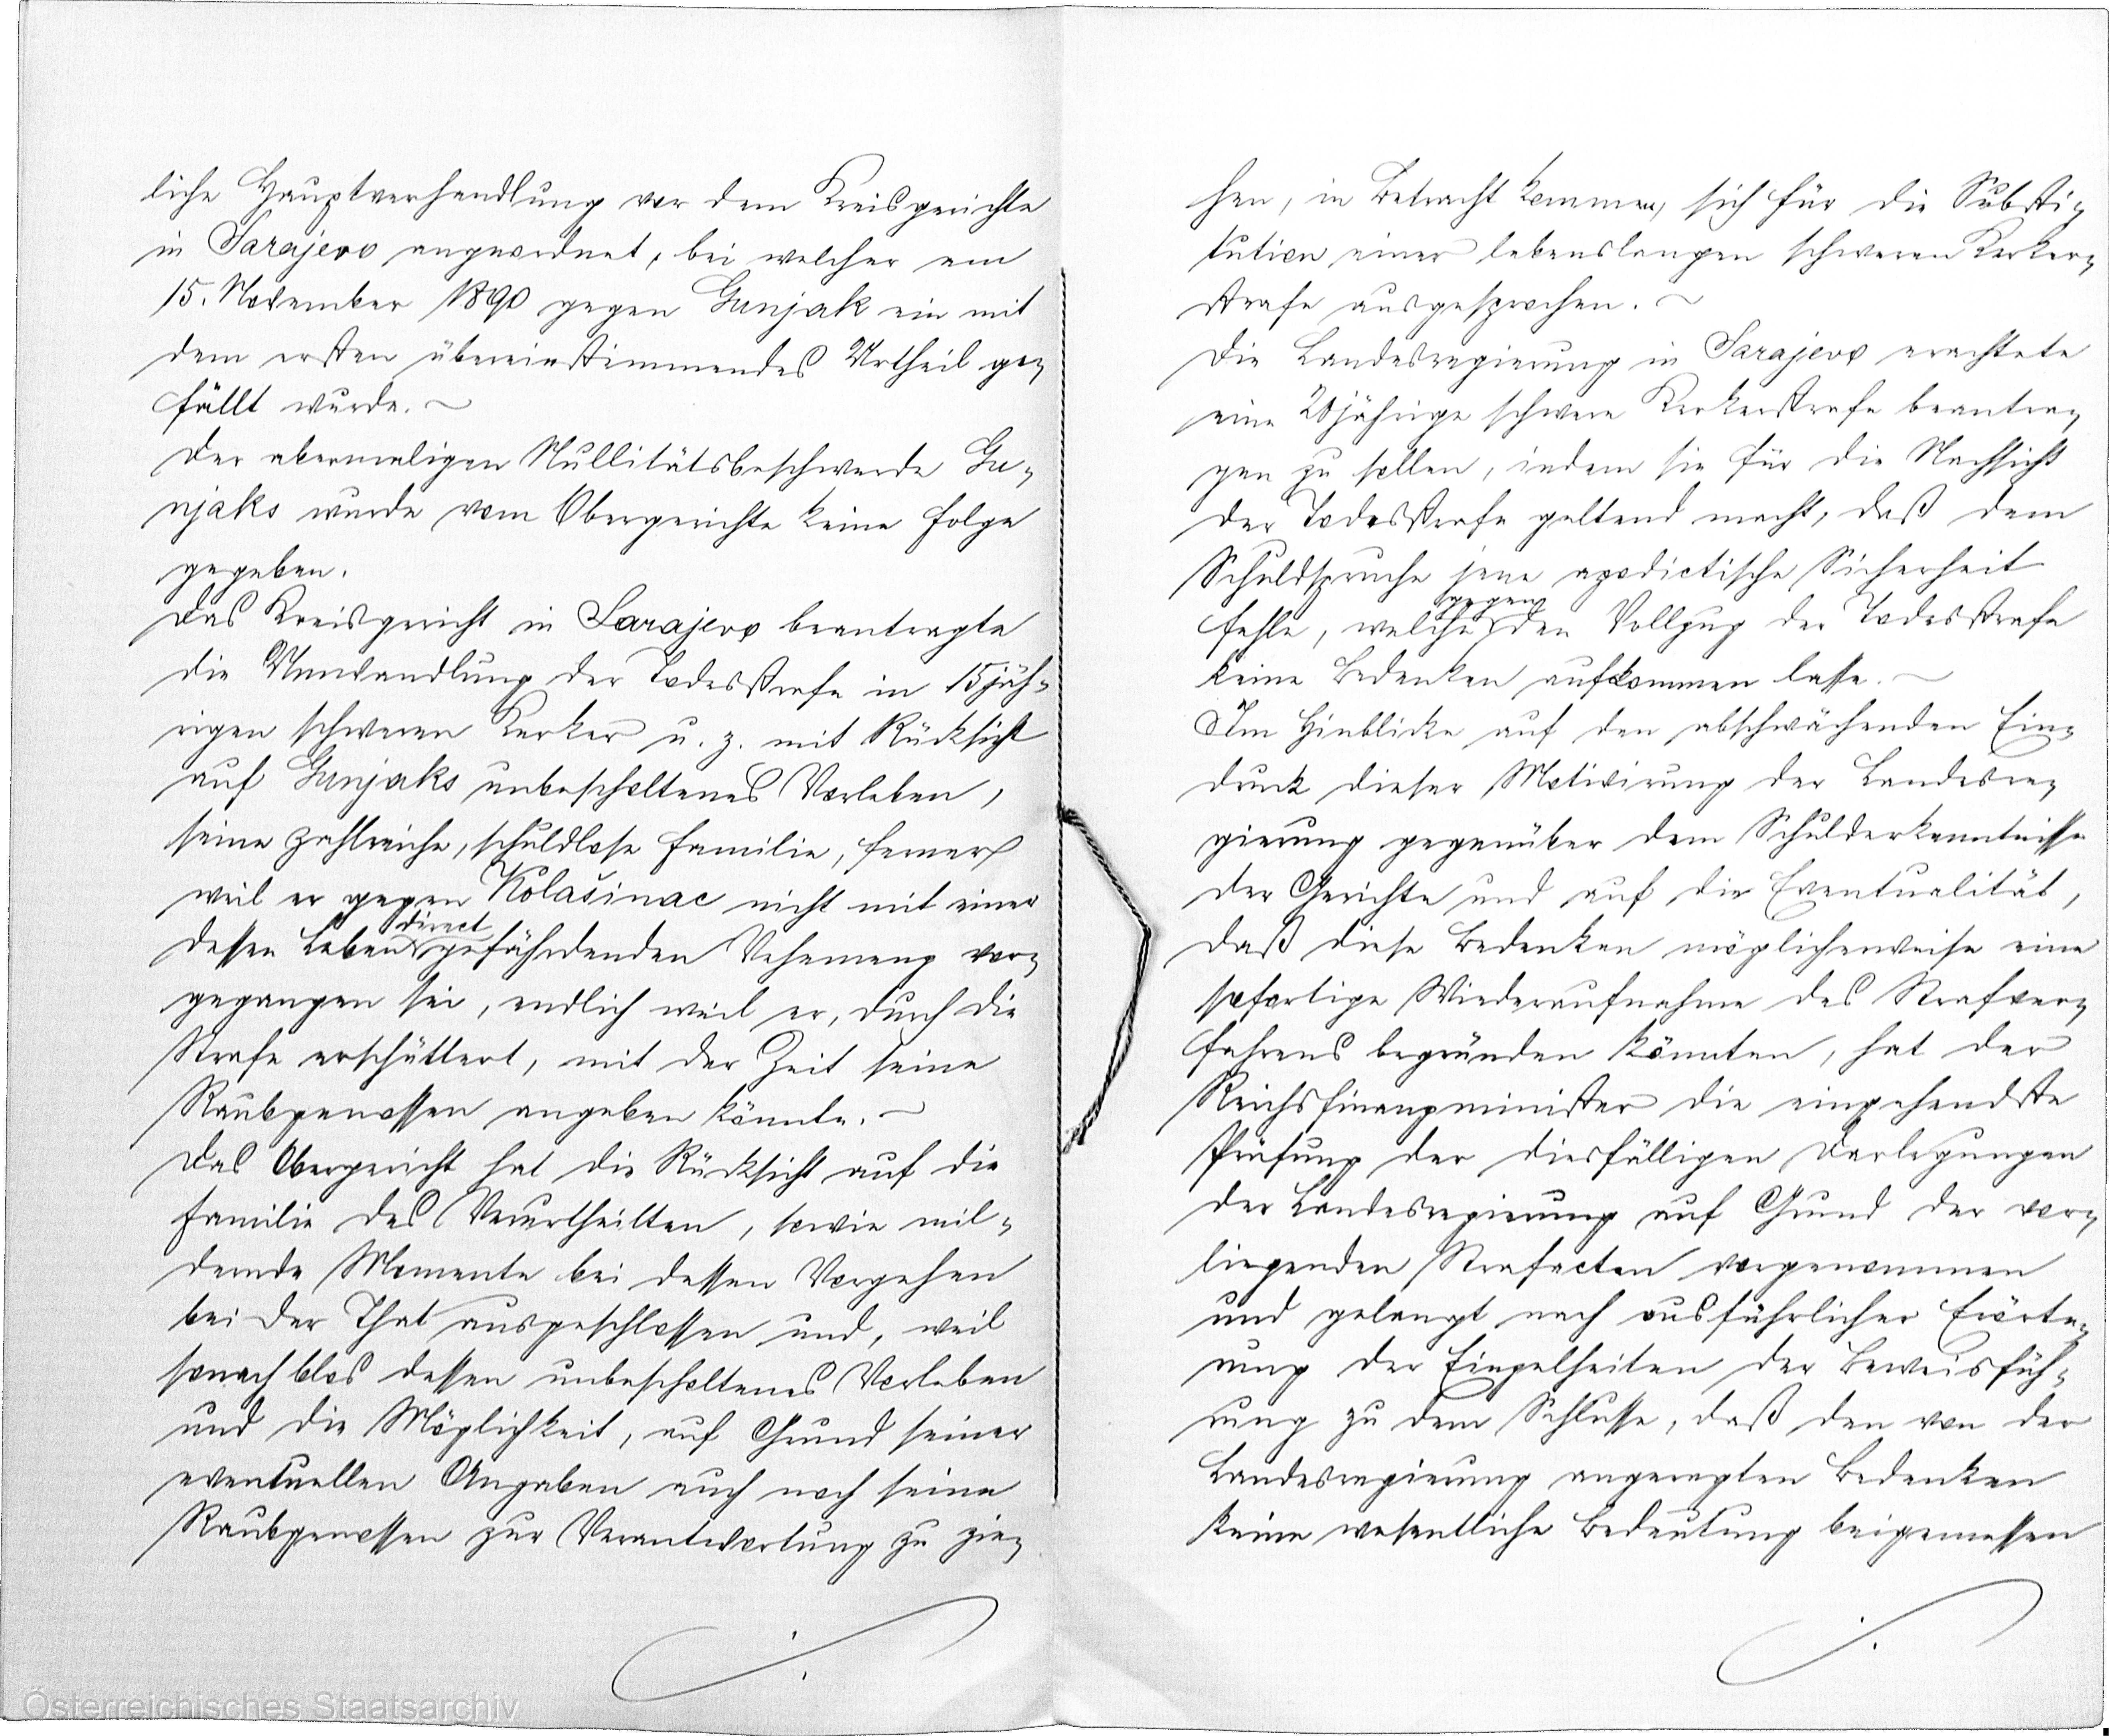liche Hauptverhandlung von dem Kreisgerichte
im Sarajevo angeordnet, bei welcher am
15. November 1890 gegen Gunjak ein mit
dem ersten übereinstimmendes Urtheil
gefällt wurde.
Der abermaligen Nullitätsbeschwerde Gu¬
njaks wurde vom Obergerichte keine Folge
gegeben.
Das Kreisgericht in Sarajevo beantragte
die Umwandlung der Todesstrafe in 15jäh¬
rigen schweren Kerker u.z. mit Rücksicht
auf Gunjaks unbescholtenes Vorleben,
seine zahlreiche, schuldlose Familie, ferner
weil er gegen Kolašinac nicht mit einer
direct
dessen Leben gefährdenden Vehemenz vor¬
gegangen sei, endlich weil er, durch die
Strafe erschüttert, mit der Zeit seine
Raubgenossen angeben könnte.
Das Obergericht hat die Rücksicht auf die
Familie des Verurtheilten, sowie mil¬
dernde Momente bei dessen Vorgehen
bei der That ausgeschlossen und, weil
sonach blos dessen unbescholtenes Vorleben
und die Möglichkeit, auf Grund seiner
eventuellen Angaben auch noch seine
Raubgenossen zur Verantwortung zu zie¬
henk in Betracht kommen, sich für die Substi¬
tution einer lebenslangen schweren Kerker¬
strafe ausgesprochen.
Die Landesregierung in Sarajevo erachtete
eine 20jährige schwere Kerkerstrafe beantra¬
gen zu sollen, indem sie für die Nachsicht
der Todesstrafe geltend macht, daß dem
Schuldspruche jene apodictische Sicherheit
gegen
fehle, welche den Vollzug der Todesstrafe
keine Bedenken aufkommen lasse.
Im Hinblicke auf den abschwächenden Ein¬
druck dieser Motivirung der Landesre¬
gierung gegenüber dem Schulderkenntnisse
der Gerichte und auf die Eventualität,
daß diese Bedenken möglicherweise eine
sofortige Wideraufnahme des Strafver¬
fahrens begründen könnten, hat der
Reichsfinanzminister die eingehendste
Prüfung der diesfälligen Darlegungen
der Landesregierung auf Grund der vor¬
liegenden Strafacten vorgenommen
und gelangt nach ausführlicher Erörte¬
rung der Einzelheiten der Beweisfüh¬
rung zu dem Schlusse, daß den von der
Landesregierung angeregten Bedenken
keine wesentliche Bedeutung beizumessen